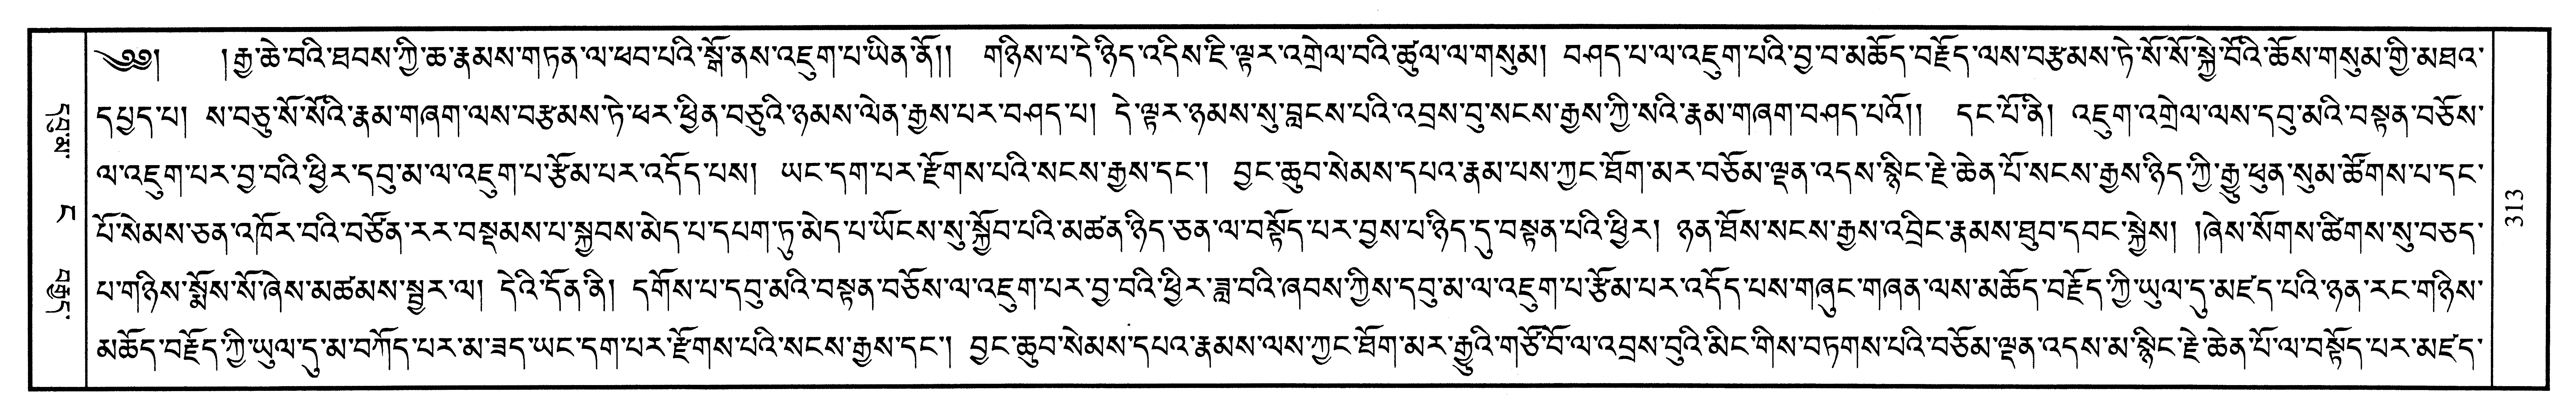༄༅། །རྒྱ་ཆེ་བའི་ཐབས་ཀྱི་ཆ་རྣམས་གཏན་ལ་ཕབ་པའི་སྒོ་ནས་འཇུག་པ་ཡིན་ནོ།། གཉིས་པ་དེ་ཉིད་འདིས་ཇི་ལྟར་འགྲེལ་བའི་ཚུལ་ལ་གསུམ། བཤད་པ་ལ་འཇུག་པའི་བྱ་བ་མཆོད་བརྗོད་ལས་བརྩམས་ཏེ་སོ་སོ་སྐྱེ་བོའི་ཆོས་གསུམ་གྱི་མཐའ་
དཔྱད་པ། ས་བཅུ་སོ་སོའི་རྣམ་གཞག་ལས་བརྩམས་ཏེ་ཕར་ཕྱིན་བཅུའི་ཉམས་ལེན་རྒྱས་པར་བཤད་པ། དེ་ལྟར་ཉམས་སུ་བླངས་པའི་འབྲས་བུ་སངས་རྒྱས་ཀྱི་སའི་རྣམ་གཞག་བཤད་པའོ།། དང་པོ་ནི། འཇུག་འགྲེལ་ལས་དབུ་མའི་བསྟན་བཅོས་
ལ་འཇུག་པར་བྱ་བའི་ཕྱིར་དབུ་མ་ལ་འཇུག་པ་རྩོམ་པར་འདོད་པས། ཡང་དག་པར་རྫོགས་པའི་སངས་རྒྱས་དང་། བྱང་ཆུབ་སེམས་དཔའ་རྣམ་པས་ཀྱང་ཐོག་མར་བཅོམ་ལྡན་འདས་སྙིང་རྗེ་ཆེན་པོ་སངས་རྒྱས་ཉིད་ཀྱི་རྒྱུ་ཕུན་སུམ་ཚོགས་པ་དང་
པོ་སེམས་ཅན་འཁོར་བའི་བཙོན་རར་བསྡམས་པ་སྐྱབས་མེད་པ་དཔག་ཏུ་མེད་པ་ཡོངས་སུ་སྐྱོབ་པའི་མཚན་ཉིད་ཅན་ལ་བསྟོད་པར་བྱས་པ་ཉིད་དུ་བསྟན་པའི་ཕྱིར། ཉན་ཐོས་སངས་རྒྱས་འབྲིང་རྣམས་ཐུབ་དབང་སྐྱེས། །ཞེས་སོགས་ཚིགས་སུ་བཅད་
པ་གཉིས་སྨོས་སོ་ཞེས་མཚམས་སྦྱར་ལ། དེའི་དོན་ནི། དགོས་པ་དབུ་མའི་བསྟན་བཅོས་ལ་འཇུག་པར་བྱ་བའི་ཕྱིར་ཟླ་བའི་ཞབས་ཀྱིས་དབུ་མ་ལ་འཇུག་པ་རྩོམ་པར་འདོད་པས་གཞུང་གཞན་ལས་མཆོད་བརྗོད་ཀྱི་ཡུལ་དུ་མཛད་པའི་ཉན་རང་གཉིས་
མཆོད་བརྗོད་ཀྱི་ཡུལ་དུ་མ་བཀོད་པར་མ་ཟད་ཡང་དག་པར་རྫོགས་པའི་སངས་རྒྱས་དང་། བྱང་ཆུབ་སེམས་དཔའ་རྣམས་ལས་ཀྱང་ཐོག་མར་རྒྱུའི་གཙོ་བོ་ལ་འབྲས་བུའི་མིང་གིས་བཏགས་པའི་བཅོམ་ལྡན་འདས་མ་སྙིང་རྗེ་ཆེན་པོ་ལ་བསྟོད་པར་མཛད་